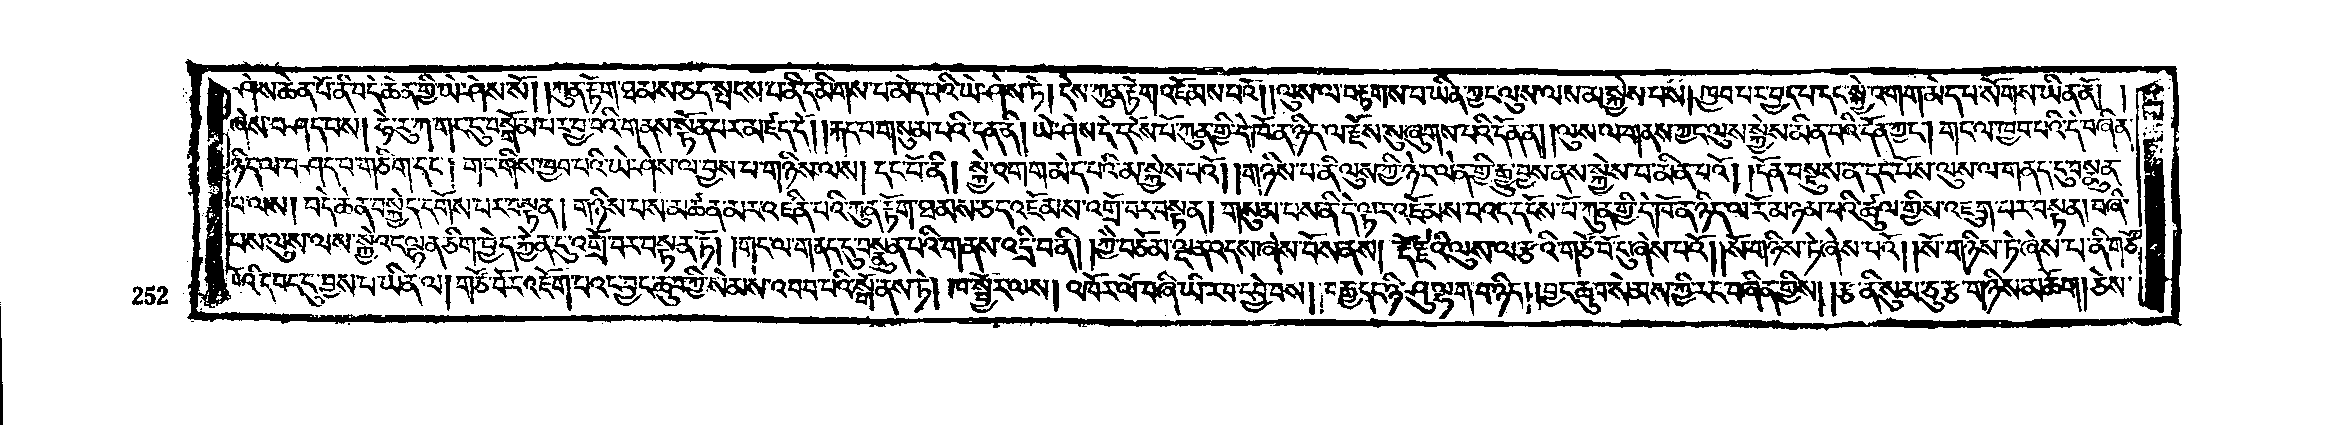ཤེས་ཆེན་པོ་ནི་བདེ་ཆེན་གྱི་ཡེ་ཤེས་སོ། །ཀུན་རྟོག་ཐམས་ཅད་སྤངས་པ་ནི་དམིགས་པ་མེད་པའི་ཡེ་ཤེས་ཏེ། དེས་ཀུན་རྟོག་འཇོམས་པའོ། །ལུས་ལ་བརྟགས་པ་ཡིན་ཀྱང་ལུས་ལས་མ་སྐྱེས་པས། ཁྱབ་པར་བྱད་པ་དང་སྐྱེ་འགག་མེད་པ་སོགས་ཡིན་ནོ། །
ཞེས་བཤད་པས། ཧེ་རུ་ཀ་གང་དུ་བསྒོམ་པར་བྱ་བའི་གནས་སྟོན་པར་མཛད་དོ། །རྐང་པ་གསུམ་པའི་དན་ནི། ཡེ་ཤེས་དེ་དངོས་པོ་ཀུན་གྱི་དེ་ཁོ་ན་ཉིད་ལ་རྗོས་སུ་ཞུགས་པའི་དོན་ན། །ལུས་ལ་གནས་ཀྱང་ལུས་སྐྱེས་མིན་པའི་དོན་ཀྱང་། གང་ལ་ཁྱབ་པའི་དེ་བཞིན་
ཉིད་ལ་བཤད་པ་གཅིག་དང་། གང་གིས་ཁྱབ་པའི་ཡེ་ཤེས་ལ་བྱས་པ་གཉིས་ལས། དང་པོ་ནི། སྐྱེ་འགག་མེད་པའི་མ་སྐྱེས་པའོ། །གཉིས་པ་ནི་ལུས་ཀྱི་ཉེར་ལེན་གྱི་རྒྱུ་བྱས་ནས་སྐྱེས་པ་མིན་པའོ། །དོན་བསྡུས་ན་དང་པོས་ལུས་ལ་གནད་དུ་བསྣུན་
པ་ལས། བདེ་ཆེན་བསྐྱེད་དགོས་པར་བསྟན། གཉིས་པས་མཚན་མར་འཛིན་པའི་ཀུན་རྟོག་ཐམས་ཅད་འཇོམས་འགྲོ་བར་བསྟན། གསུམ་པས་ནི་དེ་ལྟར་འཇོམས་པའང་དངོས་པོ་ཀུན་གྱི་དེ་ཁོ་ན་ཉིད་ལ་རོ་མཉམ་པའི་ཚུལ་གྱིས་འཇུག་པར་བསྟན། བཞི་
པས་ལུས་ལས་སྐྱེའང་ལྷན་ཅིག་བྱེད་རྐྱེན་དུ་འགྲོ་བར་བསྟན་ཏོ། །གང་ལ་གནད་དུ་བསྣུན་པའི་གནས་འདྲི་བ་ནི། །ཀྱཻ་བཅོམ་ལྡན་འདས་ཞེས་བོས་ནས། རྡོ་རྗེའི་ལུས་ལ་རྩའི་གཙོ་བོ་དུ་ཞེས་པའོ། །སོ་གཉིས་ཏེ་ཞེས་པའོ། །སོ་གཉིས་ཏེ་ཞེས་པ་ནི་གཙོ་
བོའི་དབང་དུ་བྱས་པ་ཡིན་ལ། གཙོ་བོར་འཇོག་པའང་བྱང་ཆུབ་ཀྱི་སེམས་འབབ་པའི་སྒོ་ནས་ཏེ། ཁ་སྦྱོར་ལས། འཁོར་ལོ་བཞི་ཡི་རབ་དབྱེ་བས། །བརྒྱ་དང་ཉི་ཤུ་ལྷག་པ་ཉིད། །བྱང་ཆུབ་སེམས་ཀྱི་རང་བཞིན་གྱིས། །རྩ་ནི་སུམ་ཅུ་རྩ་གཉིས་མཆོག །ཅེས་